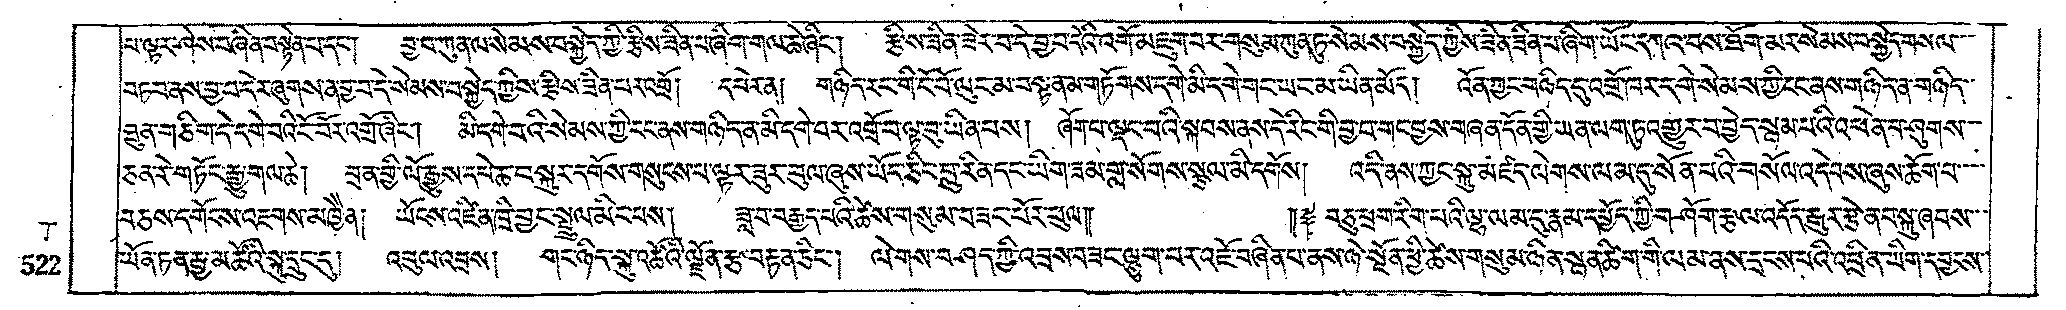པ་ལྟར་ཤེས་བཞིན་བསྟེན་པ་དང་། བྱ་བ་ཀུན་ལ་སེམས་བསྐྱེད་ཀྱི་རྩིས་ཟིན་པ་ཞིག་གལ་ཆེ་ཞིང་། རྩིས་ཟིན་ཟེར་བ་དེ་བྱ་བ་དེའི་འགོ་མཇུག་བར་གསུམ་ཀུན་ཏུ་སེམས་བསྐྱེད་ཀྱིས་ཟིན་ཟིན་པ་ཞིག་ཡོང་དཀའ་བས་ཐོག་མར་སེམས་བསྐྱེད་གསལ་་་
བཏབ་ནས་བྱ་བ་དེར་ཞུགས་ན་བྱ་བ་དེ་སེམས་བསྐྱེད་ཀྱིས་རྩིས་ཟིན་པར་འགྲོ། དཔེར་ན། གཉིད་རང་གི་ངོ་བོ་ལུང་མ་བསྟན་མ་གཏོགས་དགེ་མི་དགེ་གང་ཡང་མ་ཡིན་མོད། འོན་ཀྱང་གཉིད་དུ་འགྲོ་ཁར་དགེ་སེམས་ཀྱི་ངང་ནས་གཉིད་ན་གཉིད་་་
ཐུན་གཅིག་དེ་དགེ་བའི་ངོ་བོར་འགྲོ་ཞིང་། མི་དགེ་བའི་སེམས་ཀྱི་ངང་ནས་གཉིད་ན་མི་དགེ་བར་འགྲོ་བ་ལྟ་བུ་ཡིན་པས། ཞོག་པ་ལྡང་བའི་སྐབས་ནས་དེ་རིང་གི་བྱ་བ་གང་བྱས་གཞན་དོན་གྱི་ཡན་ལག་ཏུ་འགྱུར་བ་བྱེད་སྙམ་པའི་འཕེན་པ་ཤུགས་་་
ཅན་རེ་གཏོང་རྒྱུ་གལ་ཆེ། ཕྲན་གྱི་ལོ་རྒྱུས་དཔེ་ཆ་བསྐུར་དགོས་གསུངས་པ་ལྟར་ཟུར་ཕུལ་ཞུས་ཡོད་ཅིང་བླུ་རིན་དང་ཡིག་ཟམ་གླ་སོགས་སྩལ་མི་དགོས། འདི་ནས་ཀྱང་སྐུ་མཛད་ལེགས་ལམ་དུ་སོན་པའི་གསོལ་འདེབས་ཞུས་ཆོག་པ་་་
བཅས་དགོངས་འཇགས་མཁྱཻཨེན། ཡོངས་འཛིན་ཁྲི་བྱང་སྤྲུལ་མིང་པས། ཟླ་བ་བརྒྱད་པའི་ཚེས་གསུམ་བཟང་པོར་ཕུལ།། །། འ་བཅུ་ཕྲག་རིག་པའི་ལྷ་ལམ་དུ་རྣམ་དཔྱོད་ཀྱི་གཤོག་རྩལ་འདོད་རྒུར་རྩེན་པ་སྐུ་ཞབས་་་
ཡོན་ཏན་རྒྱ་མཚོའི་སྐུ་དྲུང་དུ། འབུལ་འབྲས། གང་ཉིད་སྐུ་འཚོའི་ལྗོན་རྩ་བརྟན་ཅིང་། ལེགས་བཤད་ཀྱི་འབྲས་བཟང་ལྷུག་པར་འཇོ་བཞིན་པ་ནས་ཉེ་སྔོན་ཕྱི་ཚེས་གསུམ་ཉིན་སྙན་ཚིག་གི་ལམ་ནས་དྲངས་པའི་འཕྲིན་ཡིག་དབྱངས་